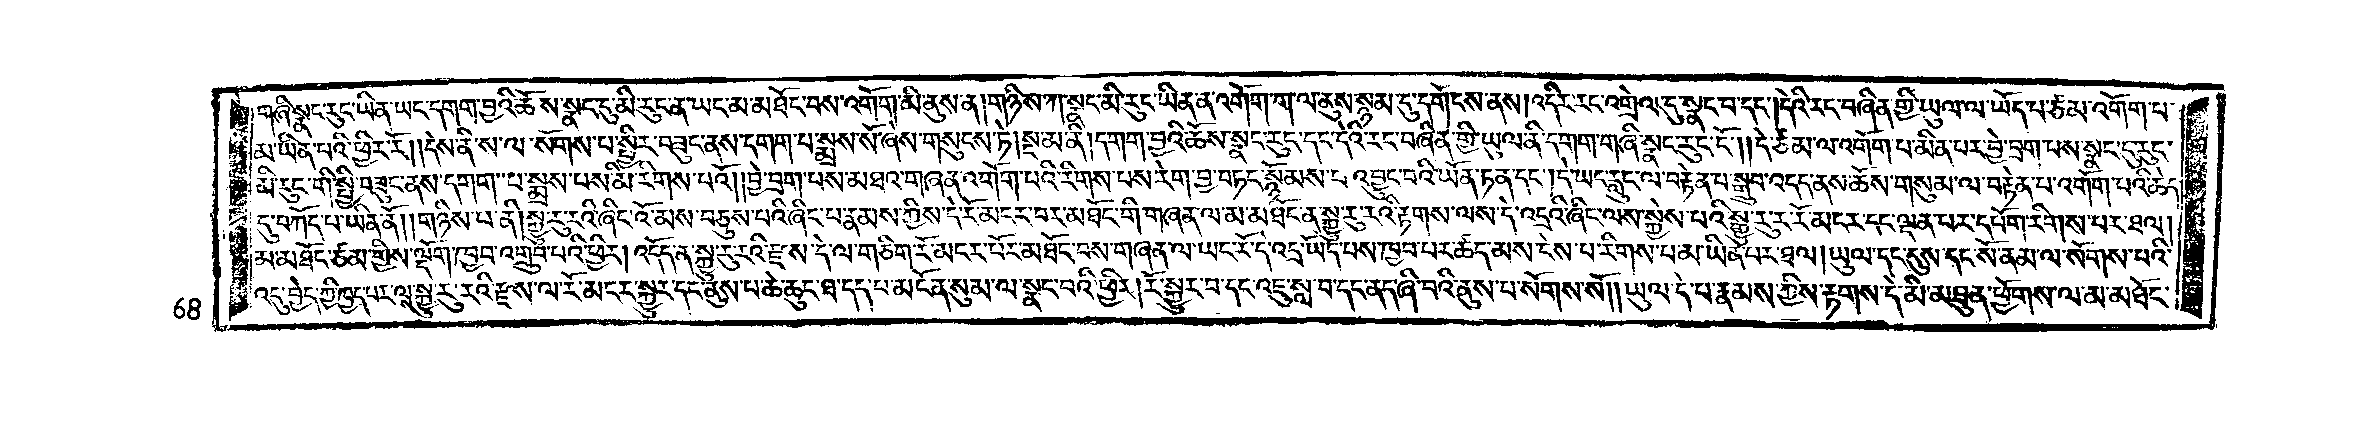གཞི་སྣང་རུང་ཡིན་ཡང་དགག་བྱའི་ཆོས་སྣང་དུ་མི་རུང་ན་ཡང་མ་མཐོང་བས་འགོག་མི་ནུས་ན། གཉིས་ཀ་སྣང་མི་རུང་ཡིན་ན་འགོག་ག་ལ་ནུས་སྙམ་དུ་དགོངས་ནས། འདིར་རང་འགྲེལ་དུ་སྣང་བ་དང་། དེའི་རང་བཞིན་གྱི་ཡུལ་ལ་ཡོད་པ་ཙམ་འགོག་པ་
མ་ཡིན་པའི་ཕྱིར་རོ། །དེས་ནི་ས་ལ་སོགས་པ་སྤྱིར་བཟུང་ནས་དགག་པ་སྨྲས་སོ་ཞེས་གསུངས་ཏེ། སྔ་མ་ནི། དགག་བྱའི་ཆོས་སྣང་རུང་དང་དེའི་རང་བཞིན་གྱི་ཡུལ་ནི་དགག་གཞི་སྣང་རུང་ངོ། །དེ་ཙམ་ལ་འགོག་པ་མིན་པར་བྱེ་བྲག་པས་སྣང་དུ་རུང་
མི་རུང་གི་སྤྱི་བཟུང་ནས་དགག་པ་སྨྲས་པས་མི་རིགས་པའོ། །བྱེ་བྲག་པས་མཐའ་གཞན་འགོག་པའི་རིགས་པས་རེག་བྱ་བཏང་སྙོམས་པ་འབྱུང་བའི་ཡོན་ཏན་དང་། དེ་ཡང་རླུང་ལ་བརྟེན་པ་སྒྲུབ་འདོད་ནས་ཆོས་གསུམ་ལ་བརྟེན་པ་འགོག་པའི་ཆེད་
དུ་བཀོད་པ་ཡིན་ནོ། །གཉིས་པ་ནི། སྐྱུ་རུ་རའི་ཞིང་འོ་མས་བཅུས་པའི་ཞིང་པ་རྣམས་ཀྱིས་དེ་རོ་མངར་བར་མཐོང་གི་གཞན་ལ་མ་མཐོང་ན་སྐྱུ་རུ་རའི་རྟགས་ལས་དེ་འདྲའི་ཞིང་ལས་སྐྱེས་པའི་སྐྱུ་རུ་ར་རོ་མངར་དང་ལྡན་པར་དཔོག་རིགས་པར་ཐལ།
མ་མཐོང་ཙམ་གྱིས་ལྡོག་ཁྱབ་འགྲུབ་པའི་ཕྱིར། འདོད་ན་སྐྱུ་རུ་རའི་རྫས་དེ་ལ་གཅིག་རོ་མངར་པོར་མཐོང་བས་གཞན་ལ་ཡང་རོ་དེ་འདྲ་ཡོད་པས་ཁྱབ་པར་ཚད་མས་ངེས་པ་རིགས་པ་མ་ཡིན་པར་ཐལ། ཡུལ་དང་དུས་དང་སོ་ནམ་ལ་སོགས་པའི་
འདུ་བྱེད་ཀྱི་ཁྱད་པར་ལ་སྐྱུ་རུ་རའི་རྫས་ལ་རོ་མངར་སྐྱུར་དང་ནུས་པ་ཆེ་ཆུང་ཐ་དད་པ་མངོན་སུམ་ལ་སྣང་བའི་ཕྱིར། རོ་སྐྱུར་བ་དང་འཇུ་སླ་བ་དང་ནད་ཞི་བའི་ནུས་པ་སོགས་སོ། །ཡུལ་དེ་པ་རྣམས་ཀྱིས་རྟགས་དེ་མི་མཐུན་ཕྱོགས་ལ་མ་མཐོང་